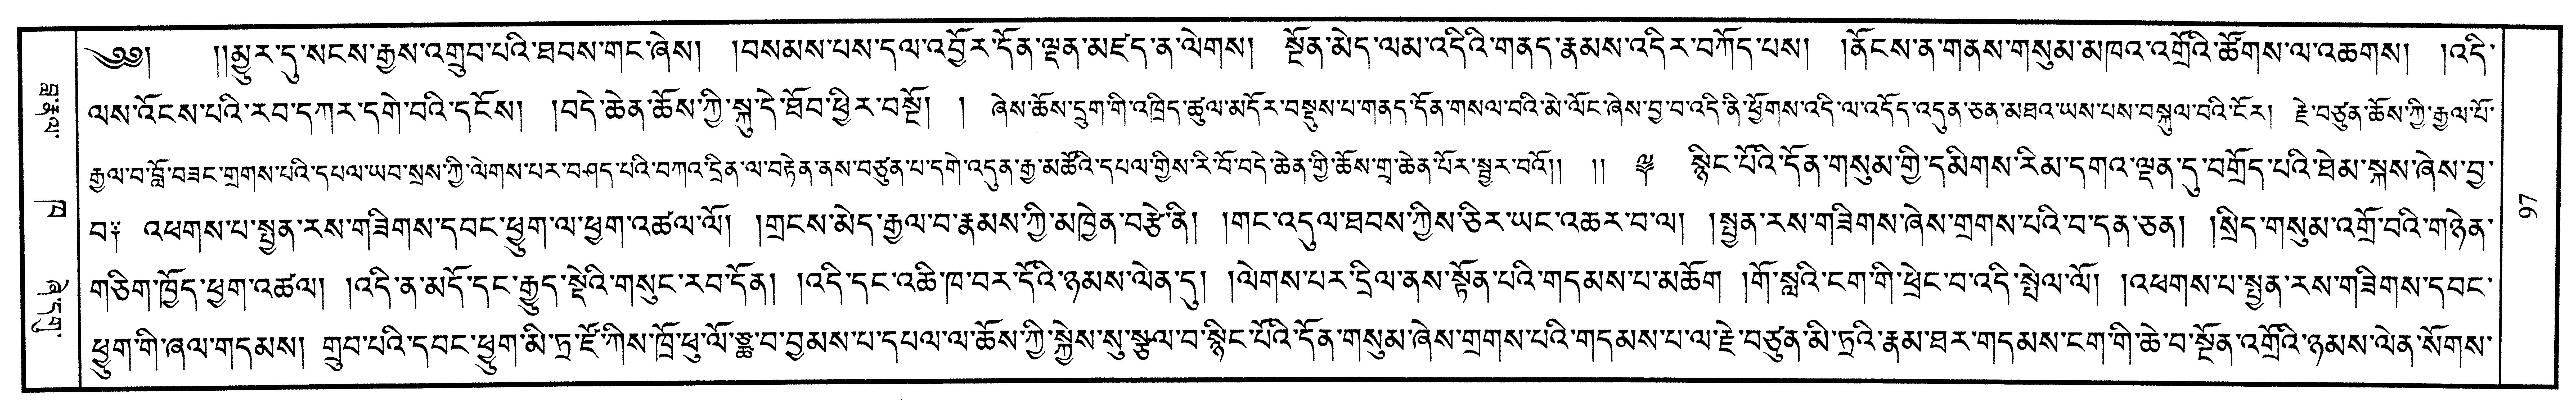༄༅། །མྱུར་དུ་སངས་རྒྱས་འགྲུབ་པའི་ཐབས་གང་ཞེས། །བསམས་པས་དལ་འབྱོར་དོན་ལྡན་མཛད་ན་ལེགས། སྔོན་མེད་ལམ་འདིའི་གནད་རྣམས་འདིར་བཀོད་པས། །ནོངས་ན་གནས་གསུམ་མཁའ་འགྲོའི་ཚོགས་ལ་འཆགས། །འདི་
ལས་འོངས་པའི་རབ་དཀར་དགེ་བའི་དངོས། །བདེ་ཆེན་ཆོས་ཀྱི་སྐུ་དེ་ཐོབ་ཕྱིར་བསྔོ། །ཞེས་ཆོས་དྲུག་གི་འཁྲིད་ཚུལ་མདོར་བསྡུས་པ་གནད་དོན་གསལ་བའི་མེ་ལོང་ཞེས་བྱ་བ་འདི་ནི་ཕྱོགས་འདི་ལ་འདོད་འདུན་ཅན་མཐའ་ཡས་པས་བསྐུལ་བའི་ངོར། རྗེ་བཙུན་ཆོས་ཀྱི་རྒྱལ་པོ་
རྒྱལ་བ་བློ་བཟང་གྲགས་པའི་དཔལ་ཡབ་སྲས་ཀྱི་ལེགས་པར་བཤད་པའི་བཀའ་དྲིན་ལ་བརྟེན་ནས་བཙུན་པ་དགེ་འདུན་རྒྱ་མཚོའི་དཔལ་གྱིས་རི་བོ་བདེ་ཆེན་གྱི་ཆོས་གྲྭ་ཆེན་པོར་སྦྱར་བའོ།། །། ༈ སྙིང་པོའི་དོན་གསུམ་གྱི་དམིགས་རིམ་དགའ་ལྡན་དུ་བགྲོད་པའི་ཐེམ་སྐས་ཞེས་བྱ་
བ༑ འཕགས་པ་སྤྱན་རས་གཟིགས་དབང་ཕྱུག་ལ་ཕྱག་འཚལ་ལོ། །གྲངས་མེད་རྒྱལ་བ་རྣམས་ཀྱི་མཁྱེན་བརྩེ་ནི། །གང་འདུལ་ཐབས་ཀྱིས་ཅིར་ཡང་འཆར་བ་ལ། །སྤྱན་རས་གཟིགས་ཞེས་གྲགས་པའི་བ་དན་ཅན། །སྲིད་གསུམ་འགྲོ་བའི་གཉེན་
གཅིག་ཁྱོད་ཕྱག་འཚལ། །འདི་ན་མདོ་དང་རྒྱུད་སྡེའི་གསུང་རབ་དོན། །འདི་དང་འཆི་ཁ་བར་དོའི་ཉམས་ལེན་དུ། །ལེགས་པར་དྲིལ་ནས་སྟོན་པའི་གདམས་པ་མཆོག །གོ་སླའི་ངག་གི་ཕྲེང་བ་འདི་སྤེལ་ལོ། །འཕགས་པ་སྤྱན་རས་གཟིགས་དབང་
ཕྱུག་གི་ཞལ་གདམས། གྲུབ་པའི་དབང་ཕྱུག་མི་ཏྲ་ཛོ་ཀིས་ཁྲོ་ཕུ་ལོ་ཙྪ་བ་བྱམས་པ་དཔལ་ལ་ཆོས་ཀྱི་སྐྱེས་སུ་སྩལ་བ་སྙིང་པོའི་དོན་གསུམ་ཞེས་གྲགས་པའི་གདམས་པ་ལ་རྗེ་བཙུན་མི་ཏྲའི་རྣམ་ཐར་གདམས་ངག་གི་ཆེ་བ་སྔོན་འགྲོའི་ཉམས་ལེན་སོགས་